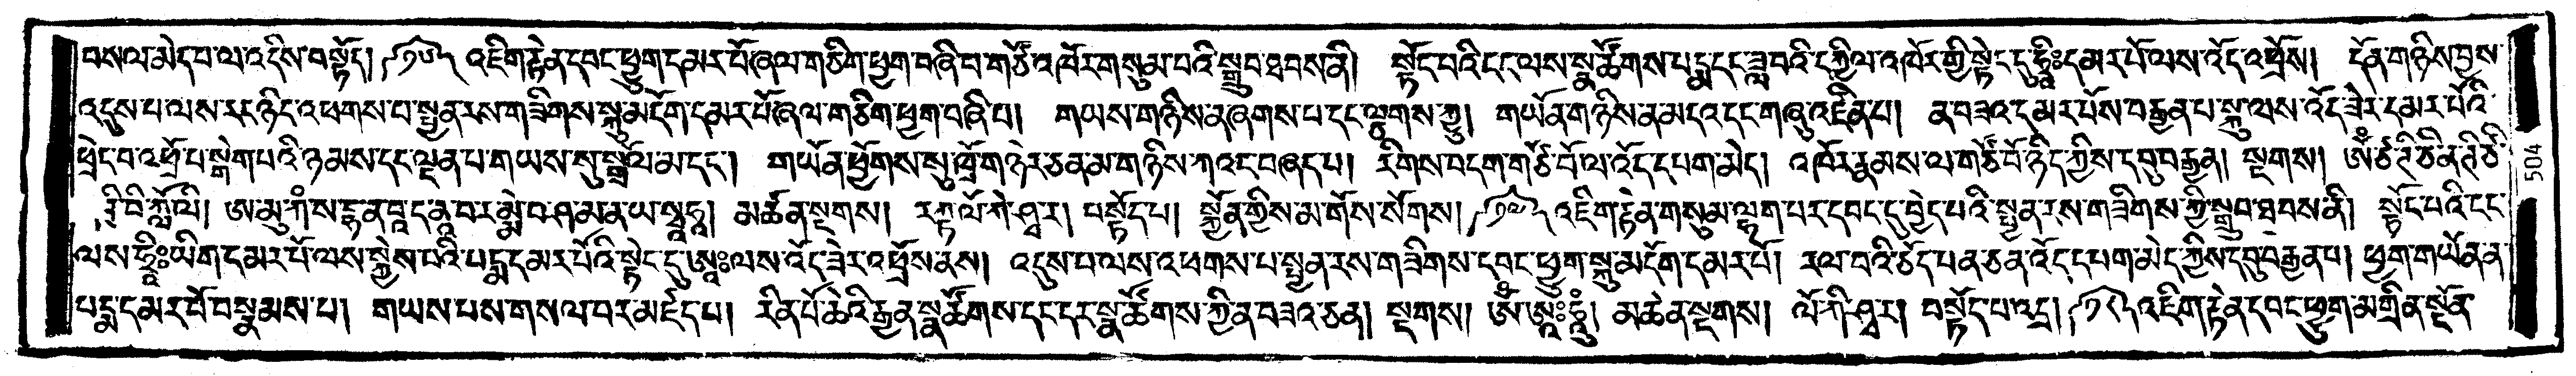བསལ་མེད་པ་ལ་འདིས་བསྟོད། ༡༦?་འཇིག་རྟེན་དབང་ཕྱུག་དམར་པོ་ཞལ་གཅིག་ཕྱག་བཞི་བ་གཙོ་འཁོར་གསུམ་པའི་སྒྲུབ་ཐབས་ནི། སྟོང་པའི་ངང་ལས་སྣ་ཚོགས་པདམ་དང་ཟླ་བའི་དཀྱིལ་འཁོར་གྱི་སྟེང་དུ་ཧྲཱིཿདམར་པོ་ལས་འོད་འཕྲོས། དོན་གཉིས་བྱས་
འདུས་པ་ལས་རང་ཉིད་འཕགས་པ་སྤྱན་རས་གཟིགས་སྐུ་མདོག་དམར་པོ་ཞལ་གཅིག་ཕྱག་བཞི་པ། གཡས་གཉིས་ན་ཞགས་པ་དང་ལྕགས་ཀྱུ། གཡོན་གཉིས་ན་མདའ་དང་གཞུ་འཛིན་པ། ན་བཟའ་དམར་པོས་བརྒྱན་པ་སྐུ་ལས་འོད་ཟེར་དམར་པོའི་
ཕྲེང་བ་འཕྲོ་བ་སྒེག་པའི་ཉམས་དང་ལྡན་པ་གཡས་སུ་སྒྲོལ་མ་དང་། གཡོན་ཕྱོགས་སུ་ཁྲོ་གཉེར་ཅན་མ་གཉིས་ཀའང་བཞད་པ། རིགས་བདག་གཙོ་བོ་ལ་འོད་དཔག་མེད། འཁོར་རྣམས་ལ་གཙོ་བོ་ཉིད་ཀྱིས་དབུ་བརྒྱན། སྔགས། ཨོཾ་ཙ་ཊི་ཙི་ཎ་ཊི་ཙི་
ཥི?་བི་ཀློ་ལི། ཨ་མུ་ཀཾ་སདྷ་ན་བཱ་ད་ནཱ་བར་མྨེ་བ་ཤ་མ་ན་ཡ་སྭཱཧཱ། མཚན་སྔགས། རཀྟ་ལོ་ཀེ་ཤྭ་ར། བསྟོད་པ། སྐྱོན་གྱིས་མ་གོས་སོགས། ༡༧?་འཇིག་རྟེན་གསུམ་ལྷག་པར་དབང་དུ་བྱེད་པའི་སྤྱན་རས་གཟིགས་ཀྱི་སྒྲུབ་ཐབས་ནི། སྟོང་པའི་ངང་
ལས་ཧྲཱིཿཡིག་དམར་པོ་ལས་སྐྱེས་པའི་པདམ་དམར་པོའི་སྟེང་དུ་ཨཱཿལས་འོད་ཟེར་འཕྲོས་ནས། འདུས་པ་ལས་འཕགས་པ་སྤྱན་རས་གཟིགས་དབང་ཕྱུག་སྐུ་མདོག་དམར་པོ། རལ་བའི་ཅོད་པན་ཅན་འོད་དཔག་མེད་ཀྱིས་དབུ་བརྒྱན་པ། ཕྱག་གཡོན་ན་
པདམ་དམར་པོ་བསྣམས་པ། གཡས་པས་གསལ་བར་མཛད་པ། རིན་པོ་ཆེའི་རྒྱན་སྣ་ཚོགས་དང་དར་སྣ་ཚོགས་ཀྱིན་བཟའ་ཅན། སྔགས། ཨོཾ་ཨཱཿཧཱུཾ། མཚན་སྔགས། ལོ་ཀི་ཤྭ་ར། བསྟོད་པ་འདྲ། ༡༨?་འཇིག་རྟེན་དབང་ཕྱུག་མགྲིན་སྔོན་